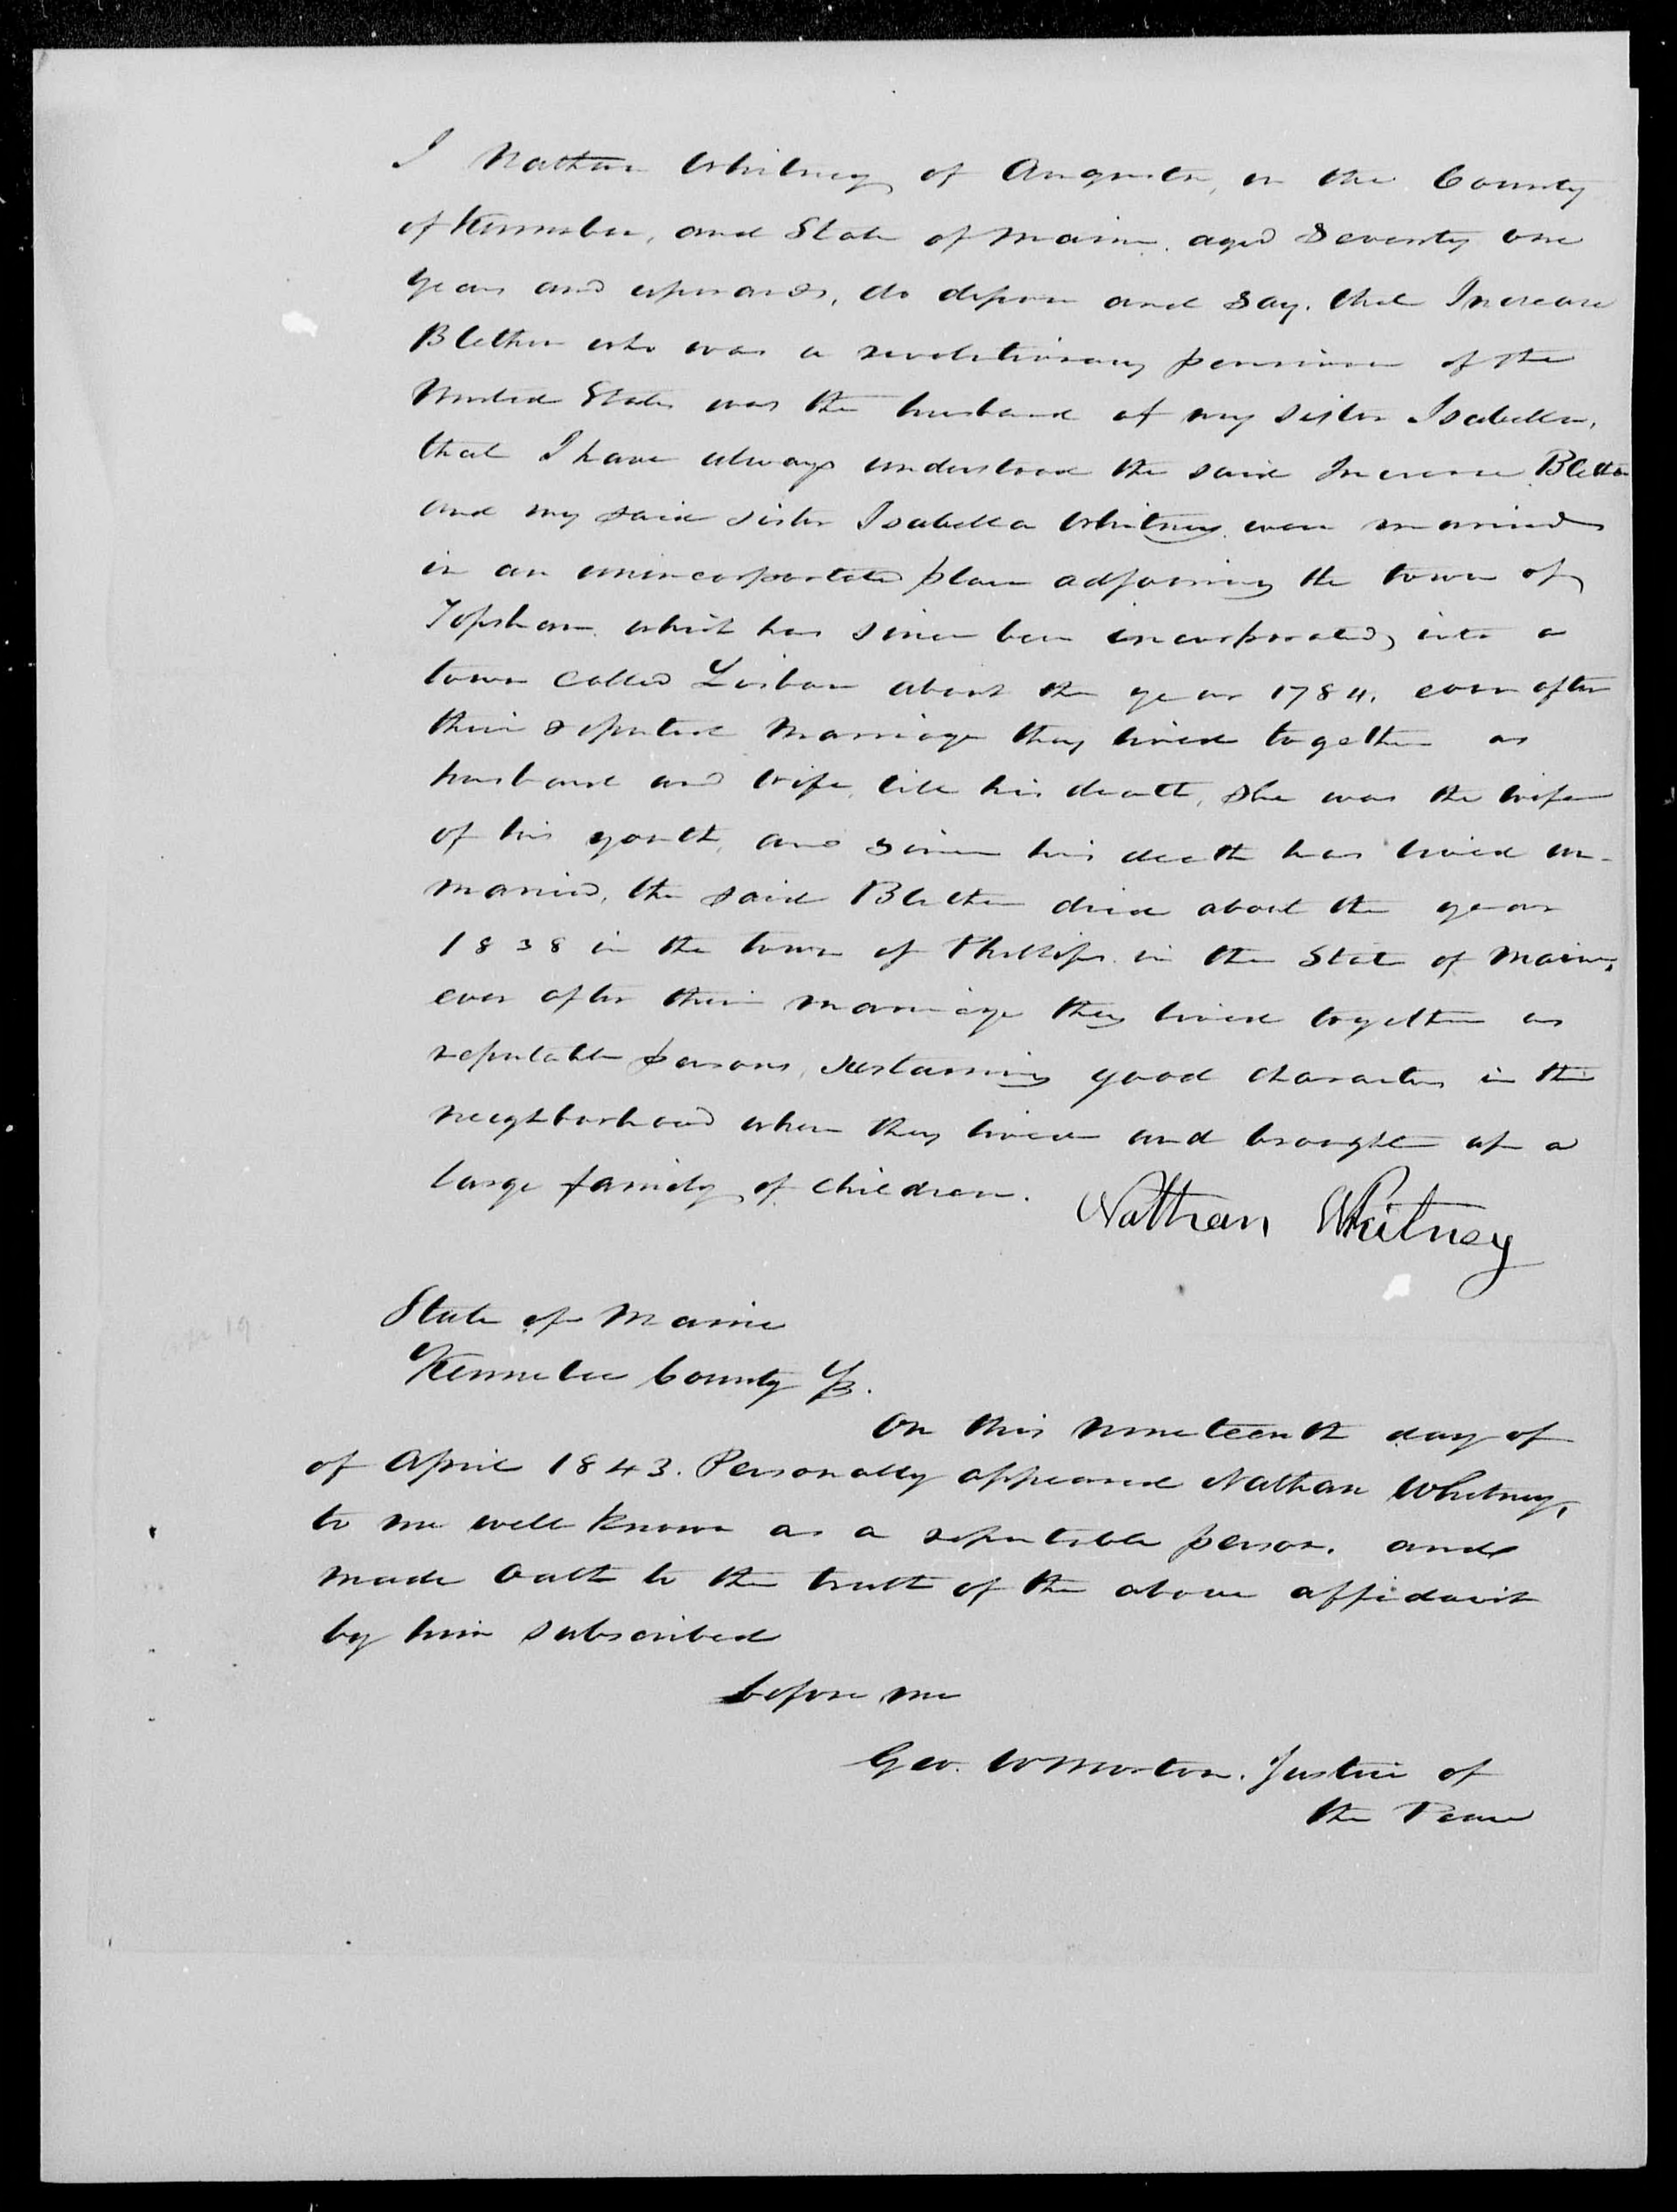I Nathan Whitney of Augusta in the County
of Kennebec, and State of Maine aged seventy one
years and whereas, do depose and say that Increase
Blethen who was a revolutionary pensioner of the
United States was the husband of my sister Isabella,
 that I have always understood the said Increase Blethen
and my said sister Isabella Whitney were married
in an unincorporated place adjoining the town of
Topsham which has since been incorporated into a town called Lisbon about the year 1784, even after
their [illegible] marriage they lived together as
husband and wife till his death, she was the wife
of his youth and since his death has lived 
unmarried, the said Blethen died about the year
1838 in the town of Phillips in the State of Maine
even after their marriage they lived together as
reputable persons retaining good character in this
neighborhood where they lived and brought us a
large family of children.
Nathan Whitney

State of Maine
Kennebec County B.
on this nineteenth day of
of April 1843 Personally appeared Nathan Whitney
to me well known as a reputable person and
made oath to the truth of the above affidavit
by him subscribed
before me
Geo W Morton Justice of
the Peace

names: Geo W Morton, Increase Blethen, Nathan Whitney, Nathan Whitney, Blethen, Isabella Whitney, Isabella, Nathan Whitney, Increase Blethen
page: 31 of 39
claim: widow's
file: W. 23,621, Increase Blethen, Mass.